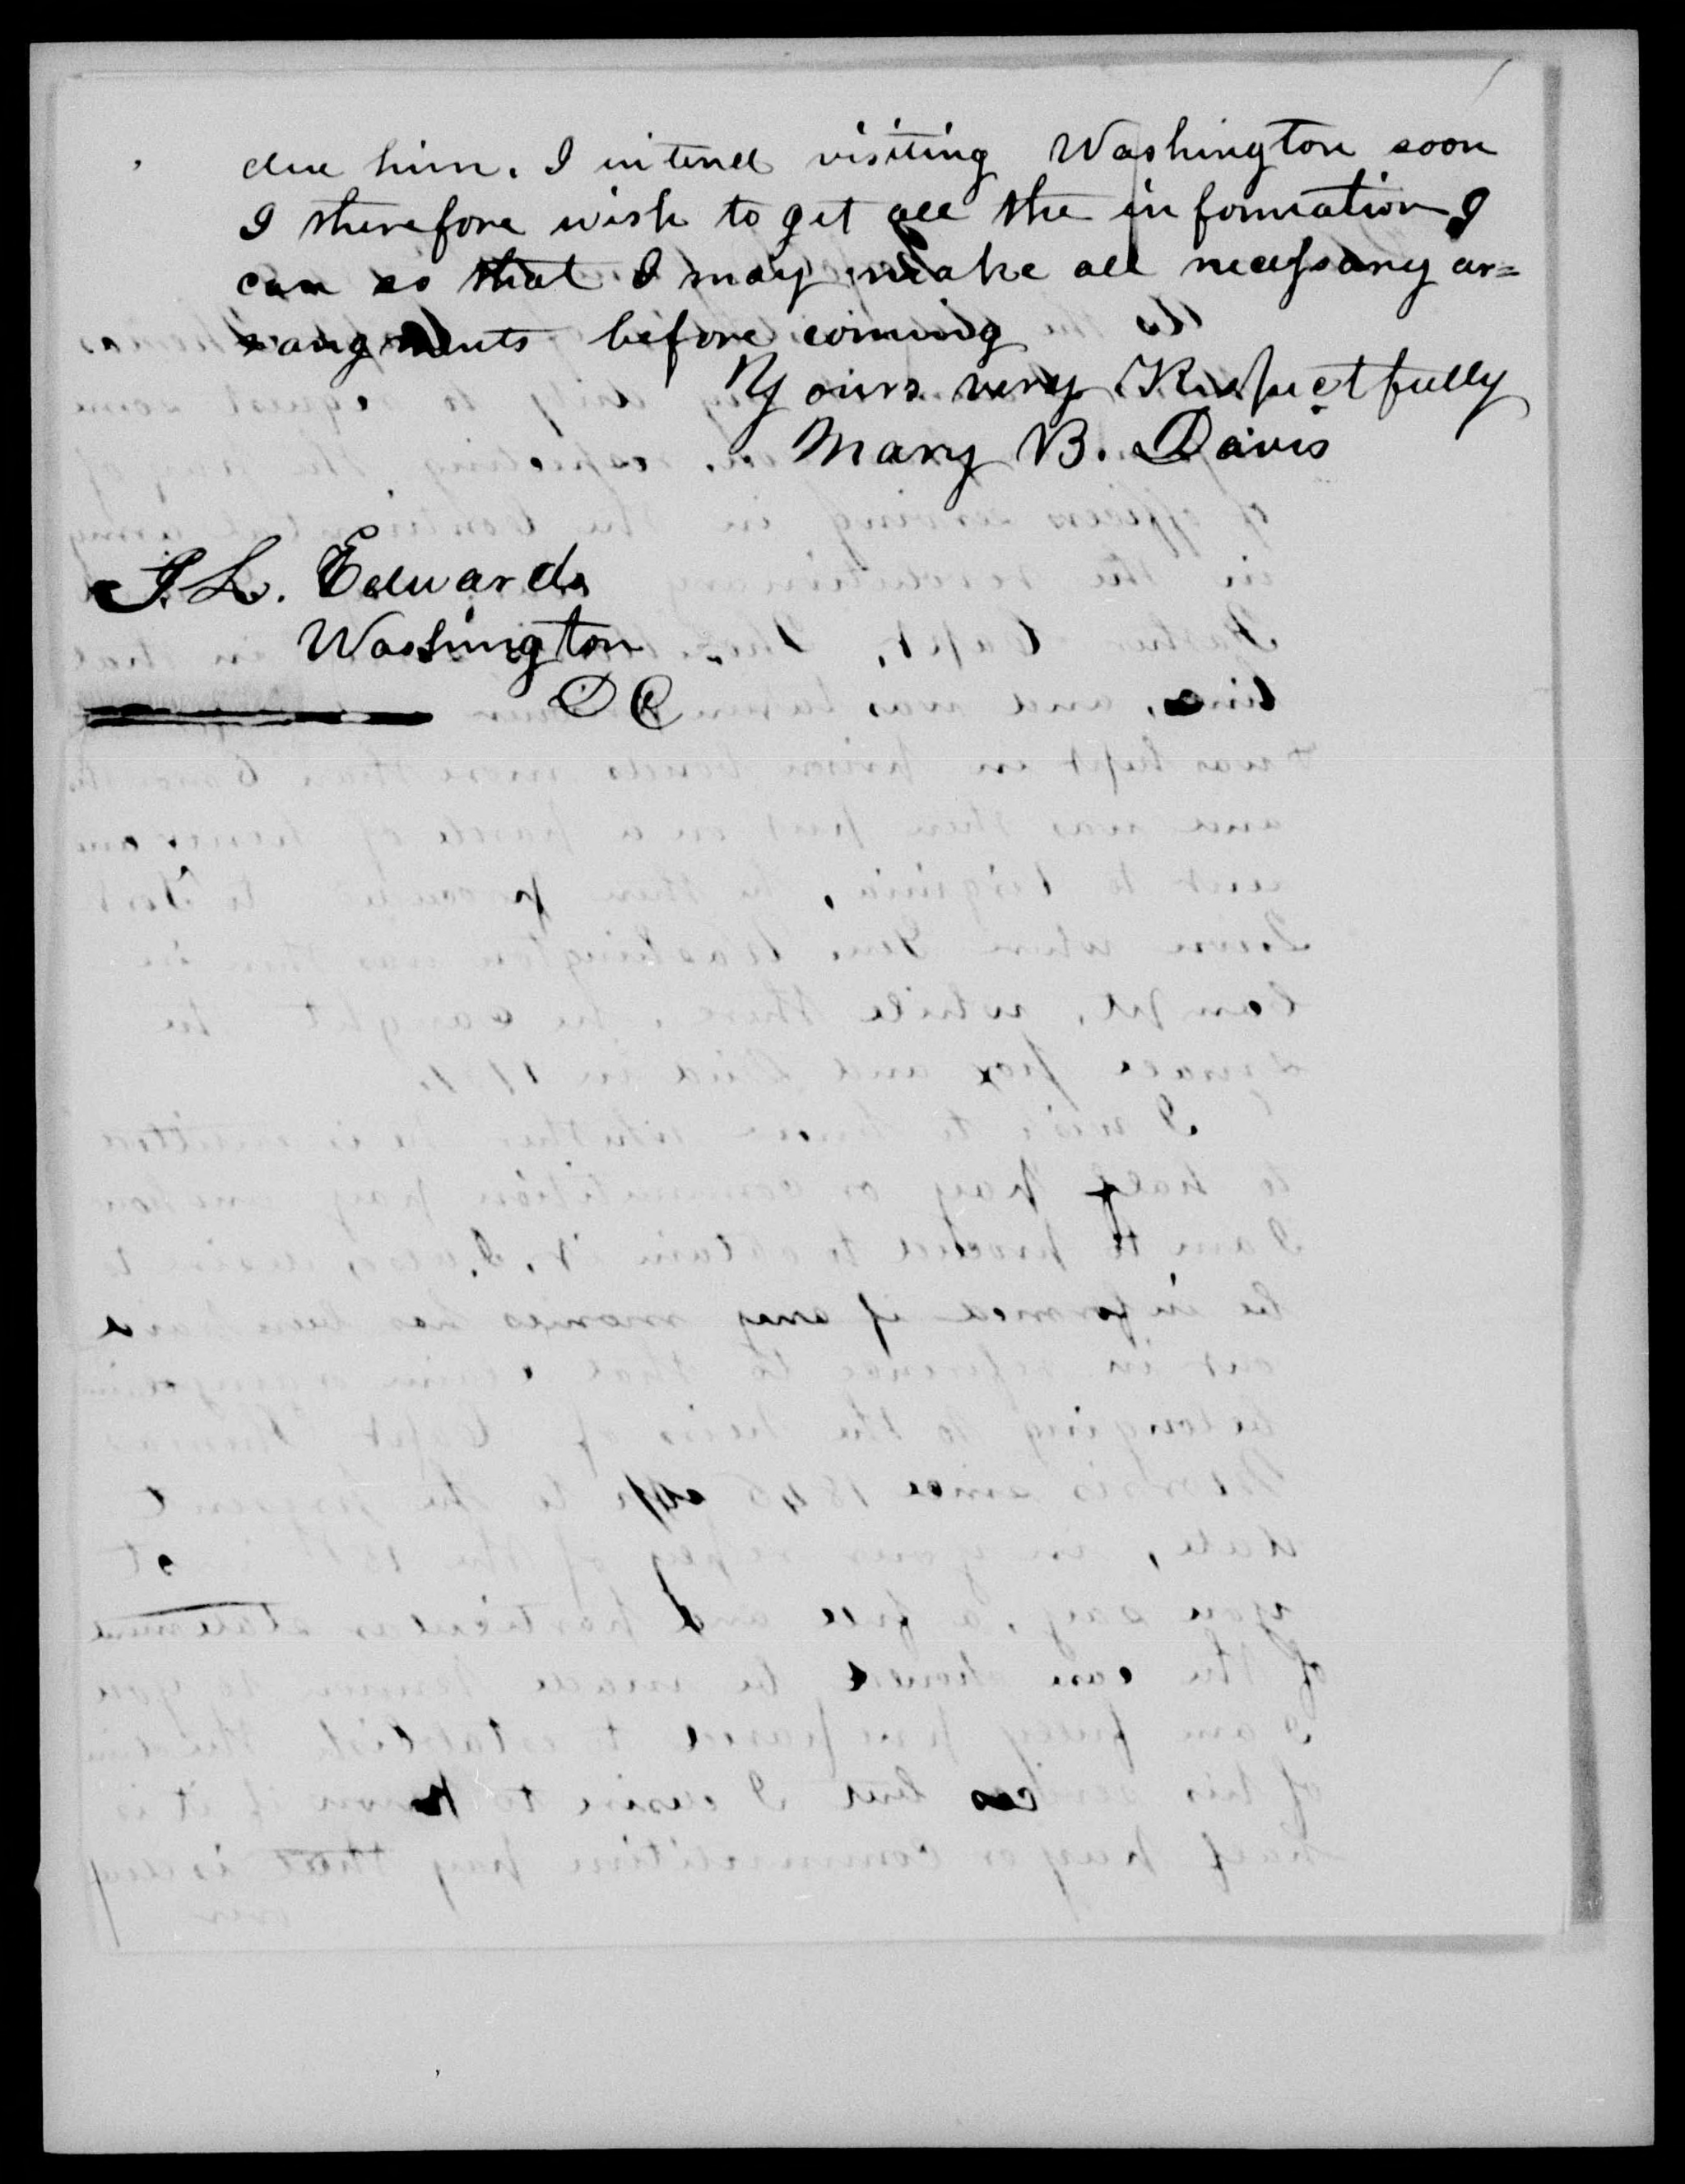due him. I intend visiting Washington soon
I therefore wish to get all the information I
can as that I may make all necessary arrangments before coming.
Yours very respectfully
Mary B. Davis
J.L. Edwards
Washington
DC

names: J L Edwards; [BLANK] Washington; Mary B Davis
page: 4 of 30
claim: rejected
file: R. 16,555, for Thomas Morris, Georgia